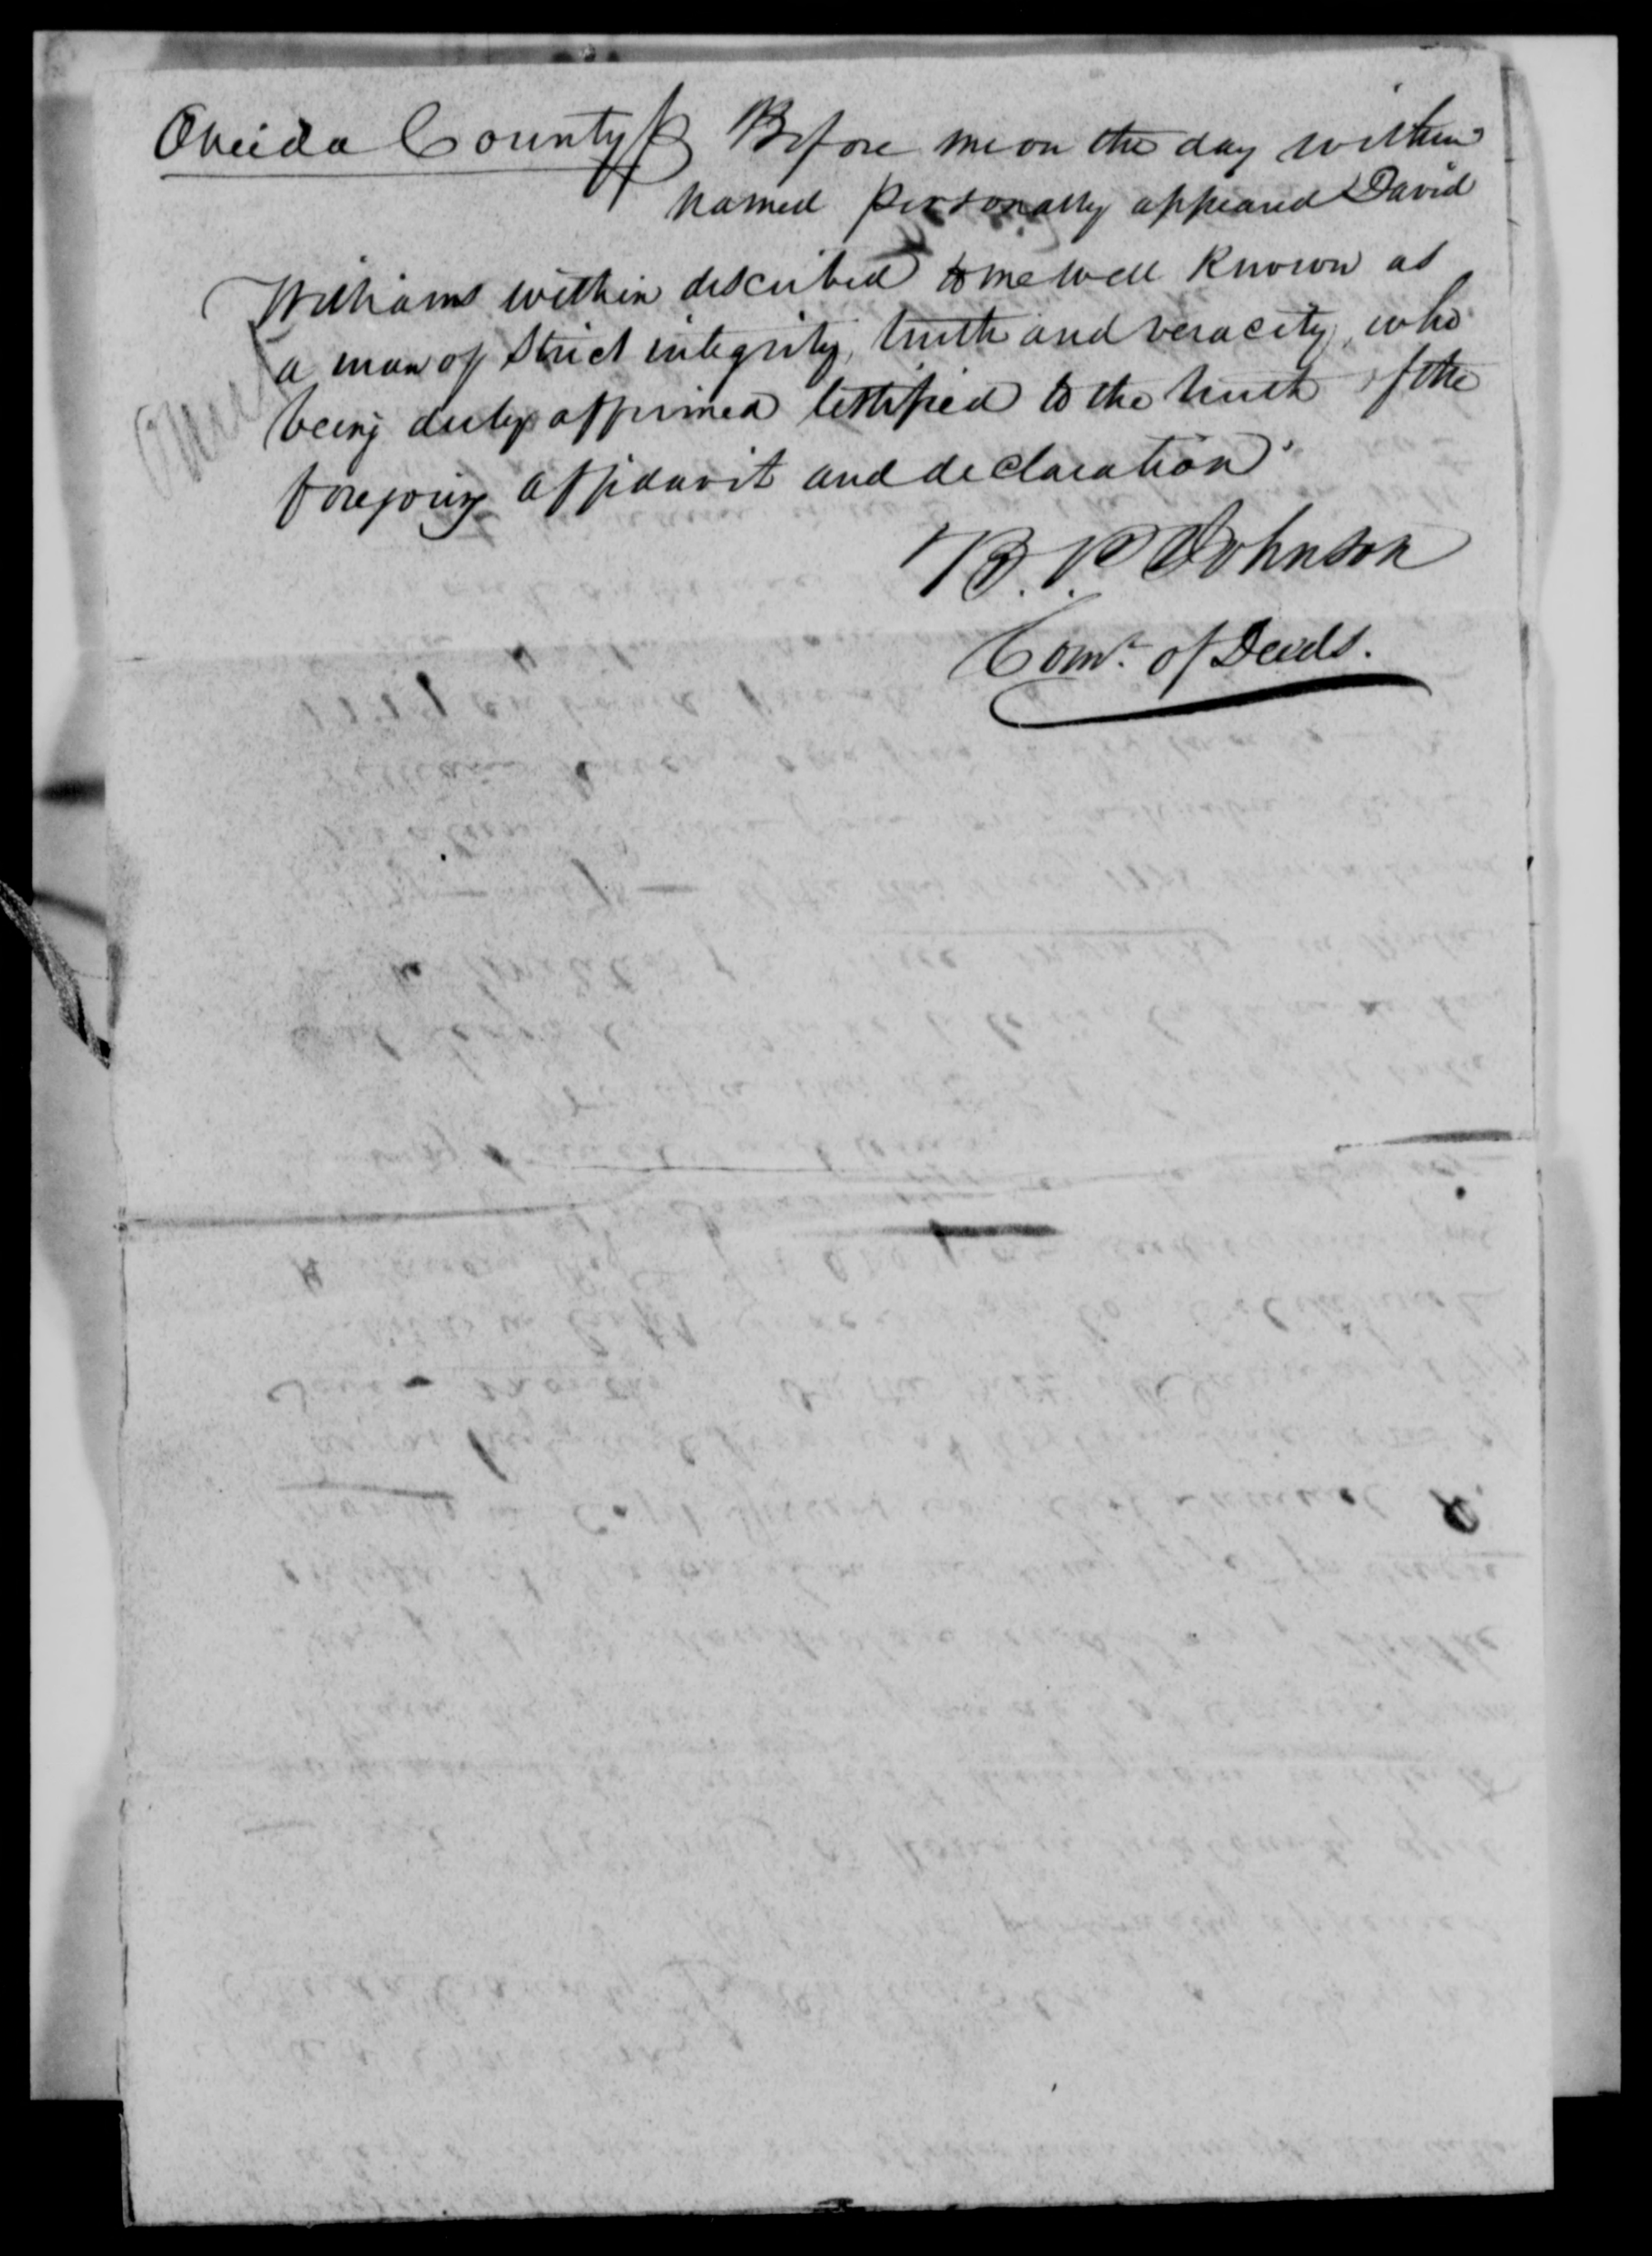Oneida County   Before me on the day within named personally appeared David Williams within described to me well known as a man of Strict integrity, truth and veracity who being duly affirmed testified to the truth of the foregoing afficavit and declaration. B. V. Johnson Coms. of Deeds.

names: B P Johnson, David Williams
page: 6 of 63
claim: widow's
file: W. 22,632, David Williams, Conn. Continental Privateer